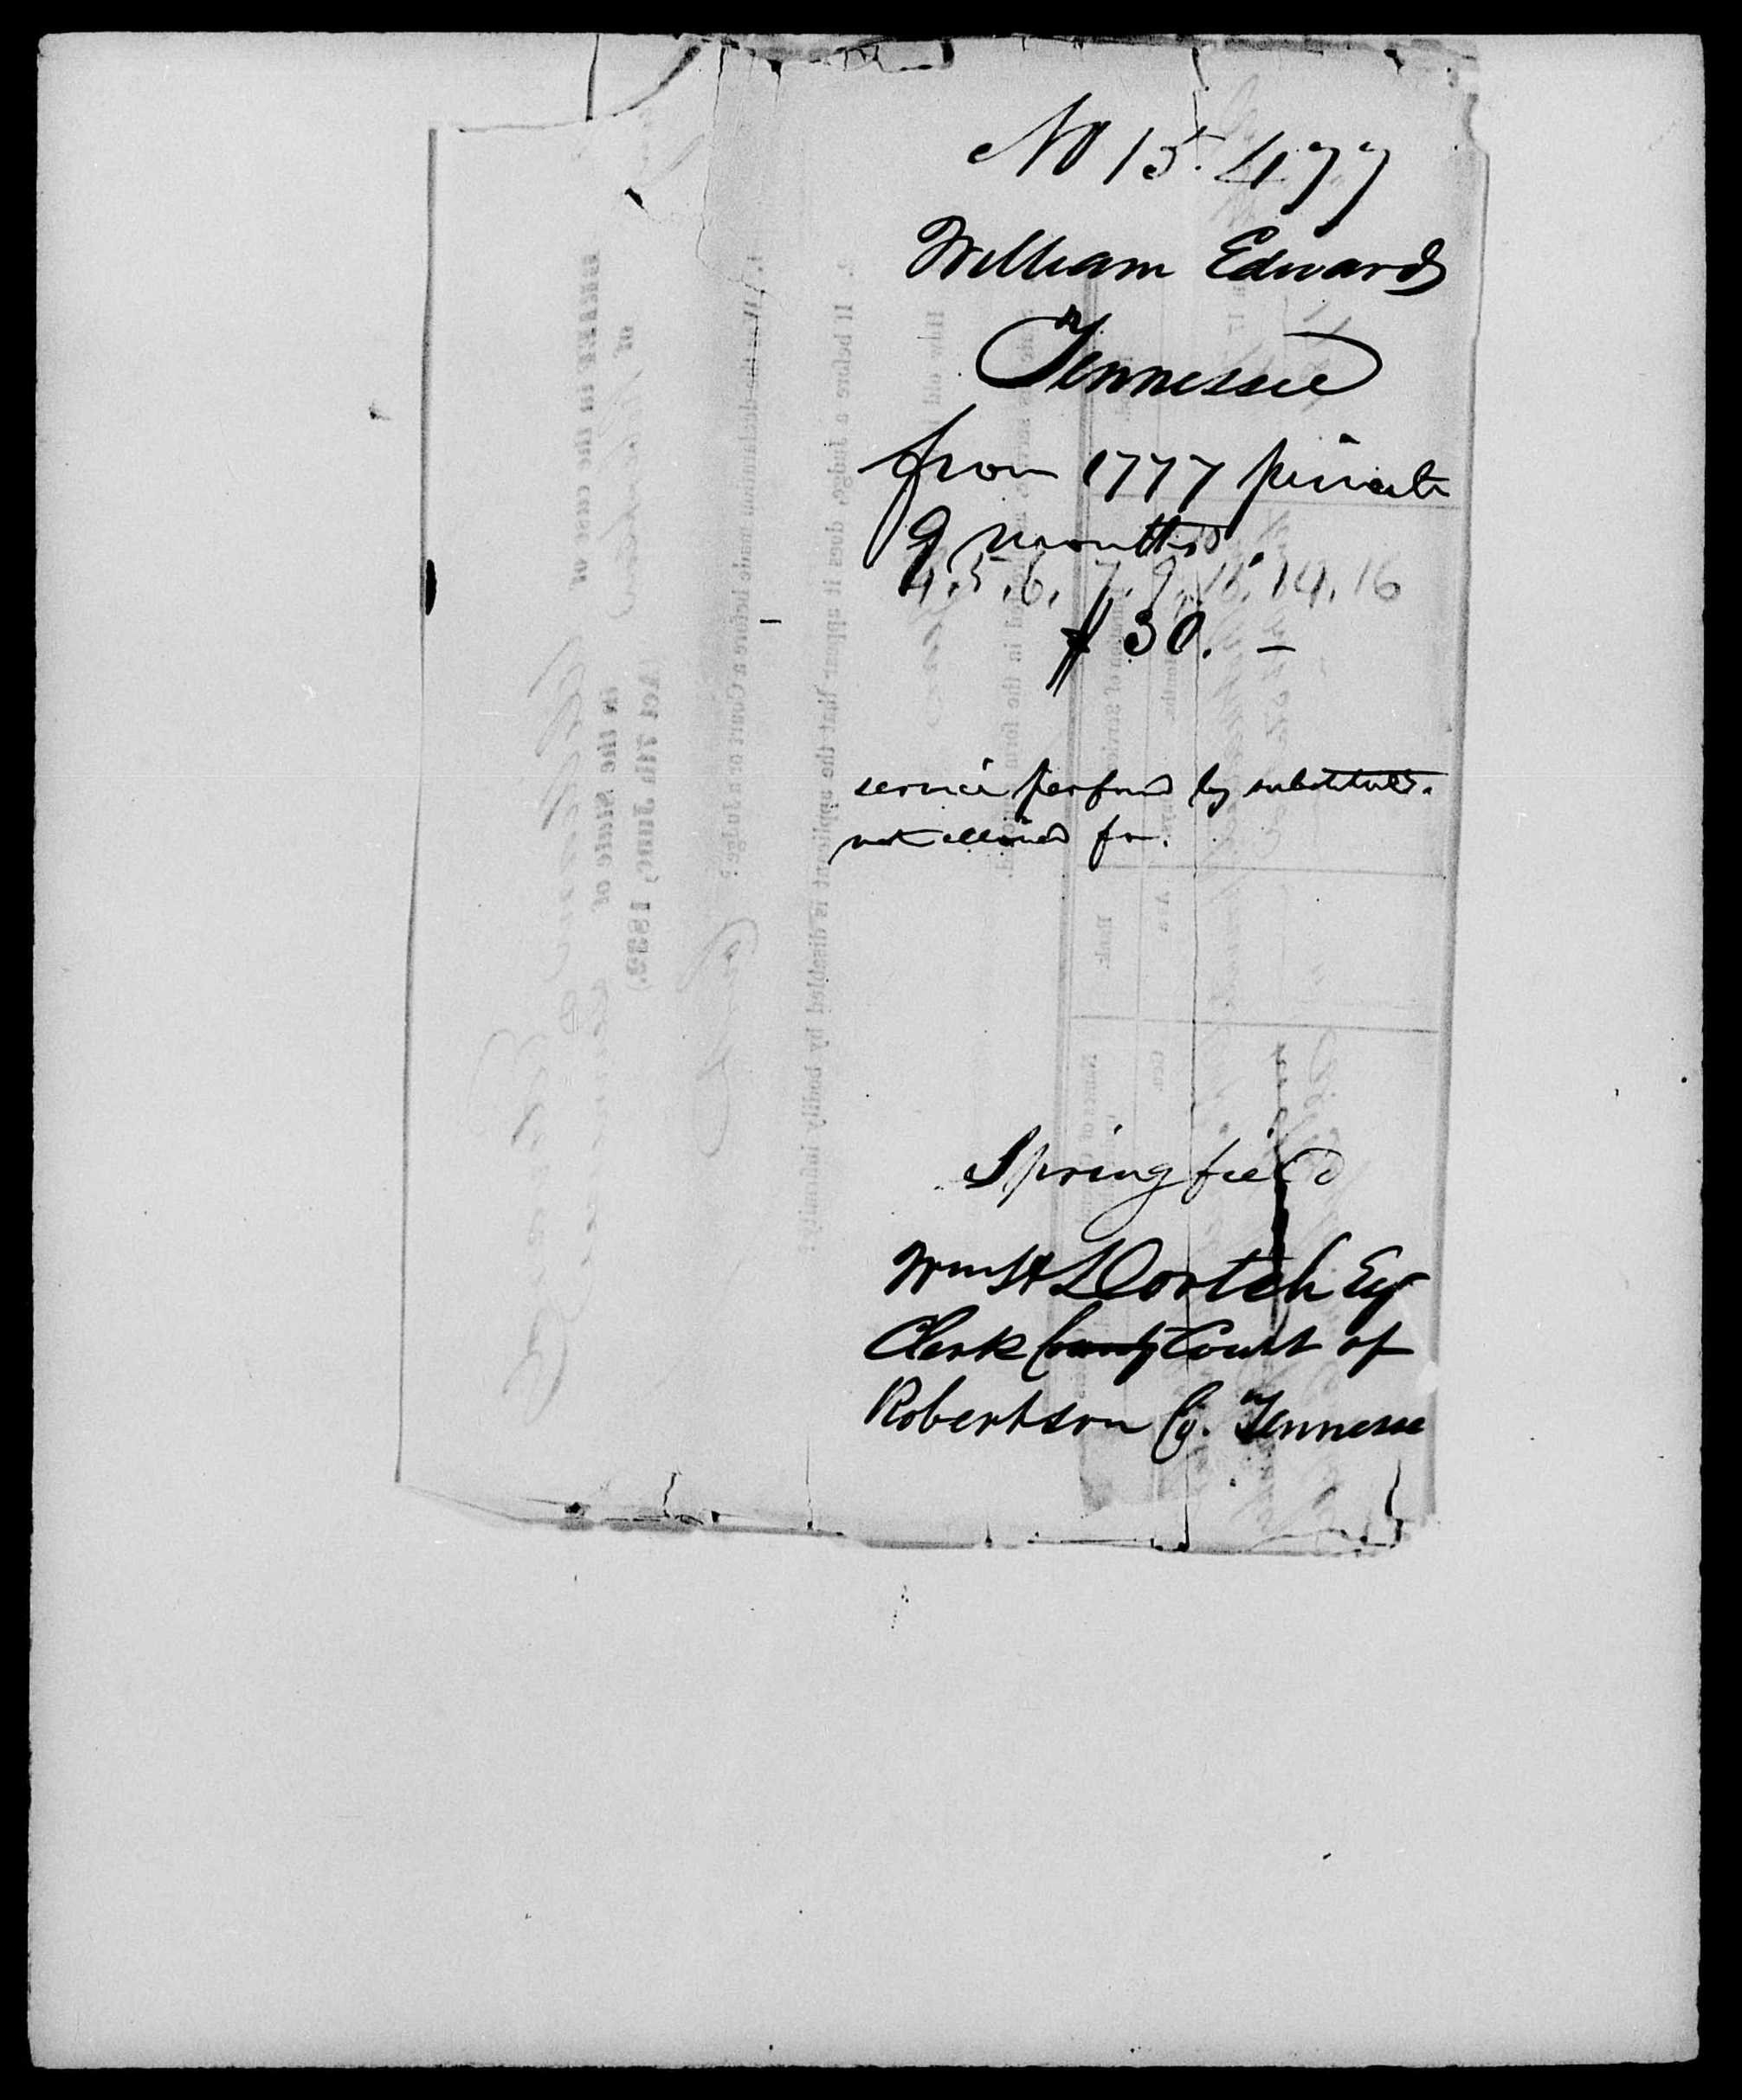No 15.477
William Edwards
Tennessee
from 1777 private
9 months
4, 5, 6, 7, 9, 11, 14, 16
$30.-

service performed by substitute not allowed for.

Sprinfield
Wm H Dortch Eq
Clerk County Court of
Robertson Co. Tennessee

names: William Edwards, Wm H Dortch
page: 9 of 47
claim: survivor's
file: S. 3,322, William Edwards, Va.